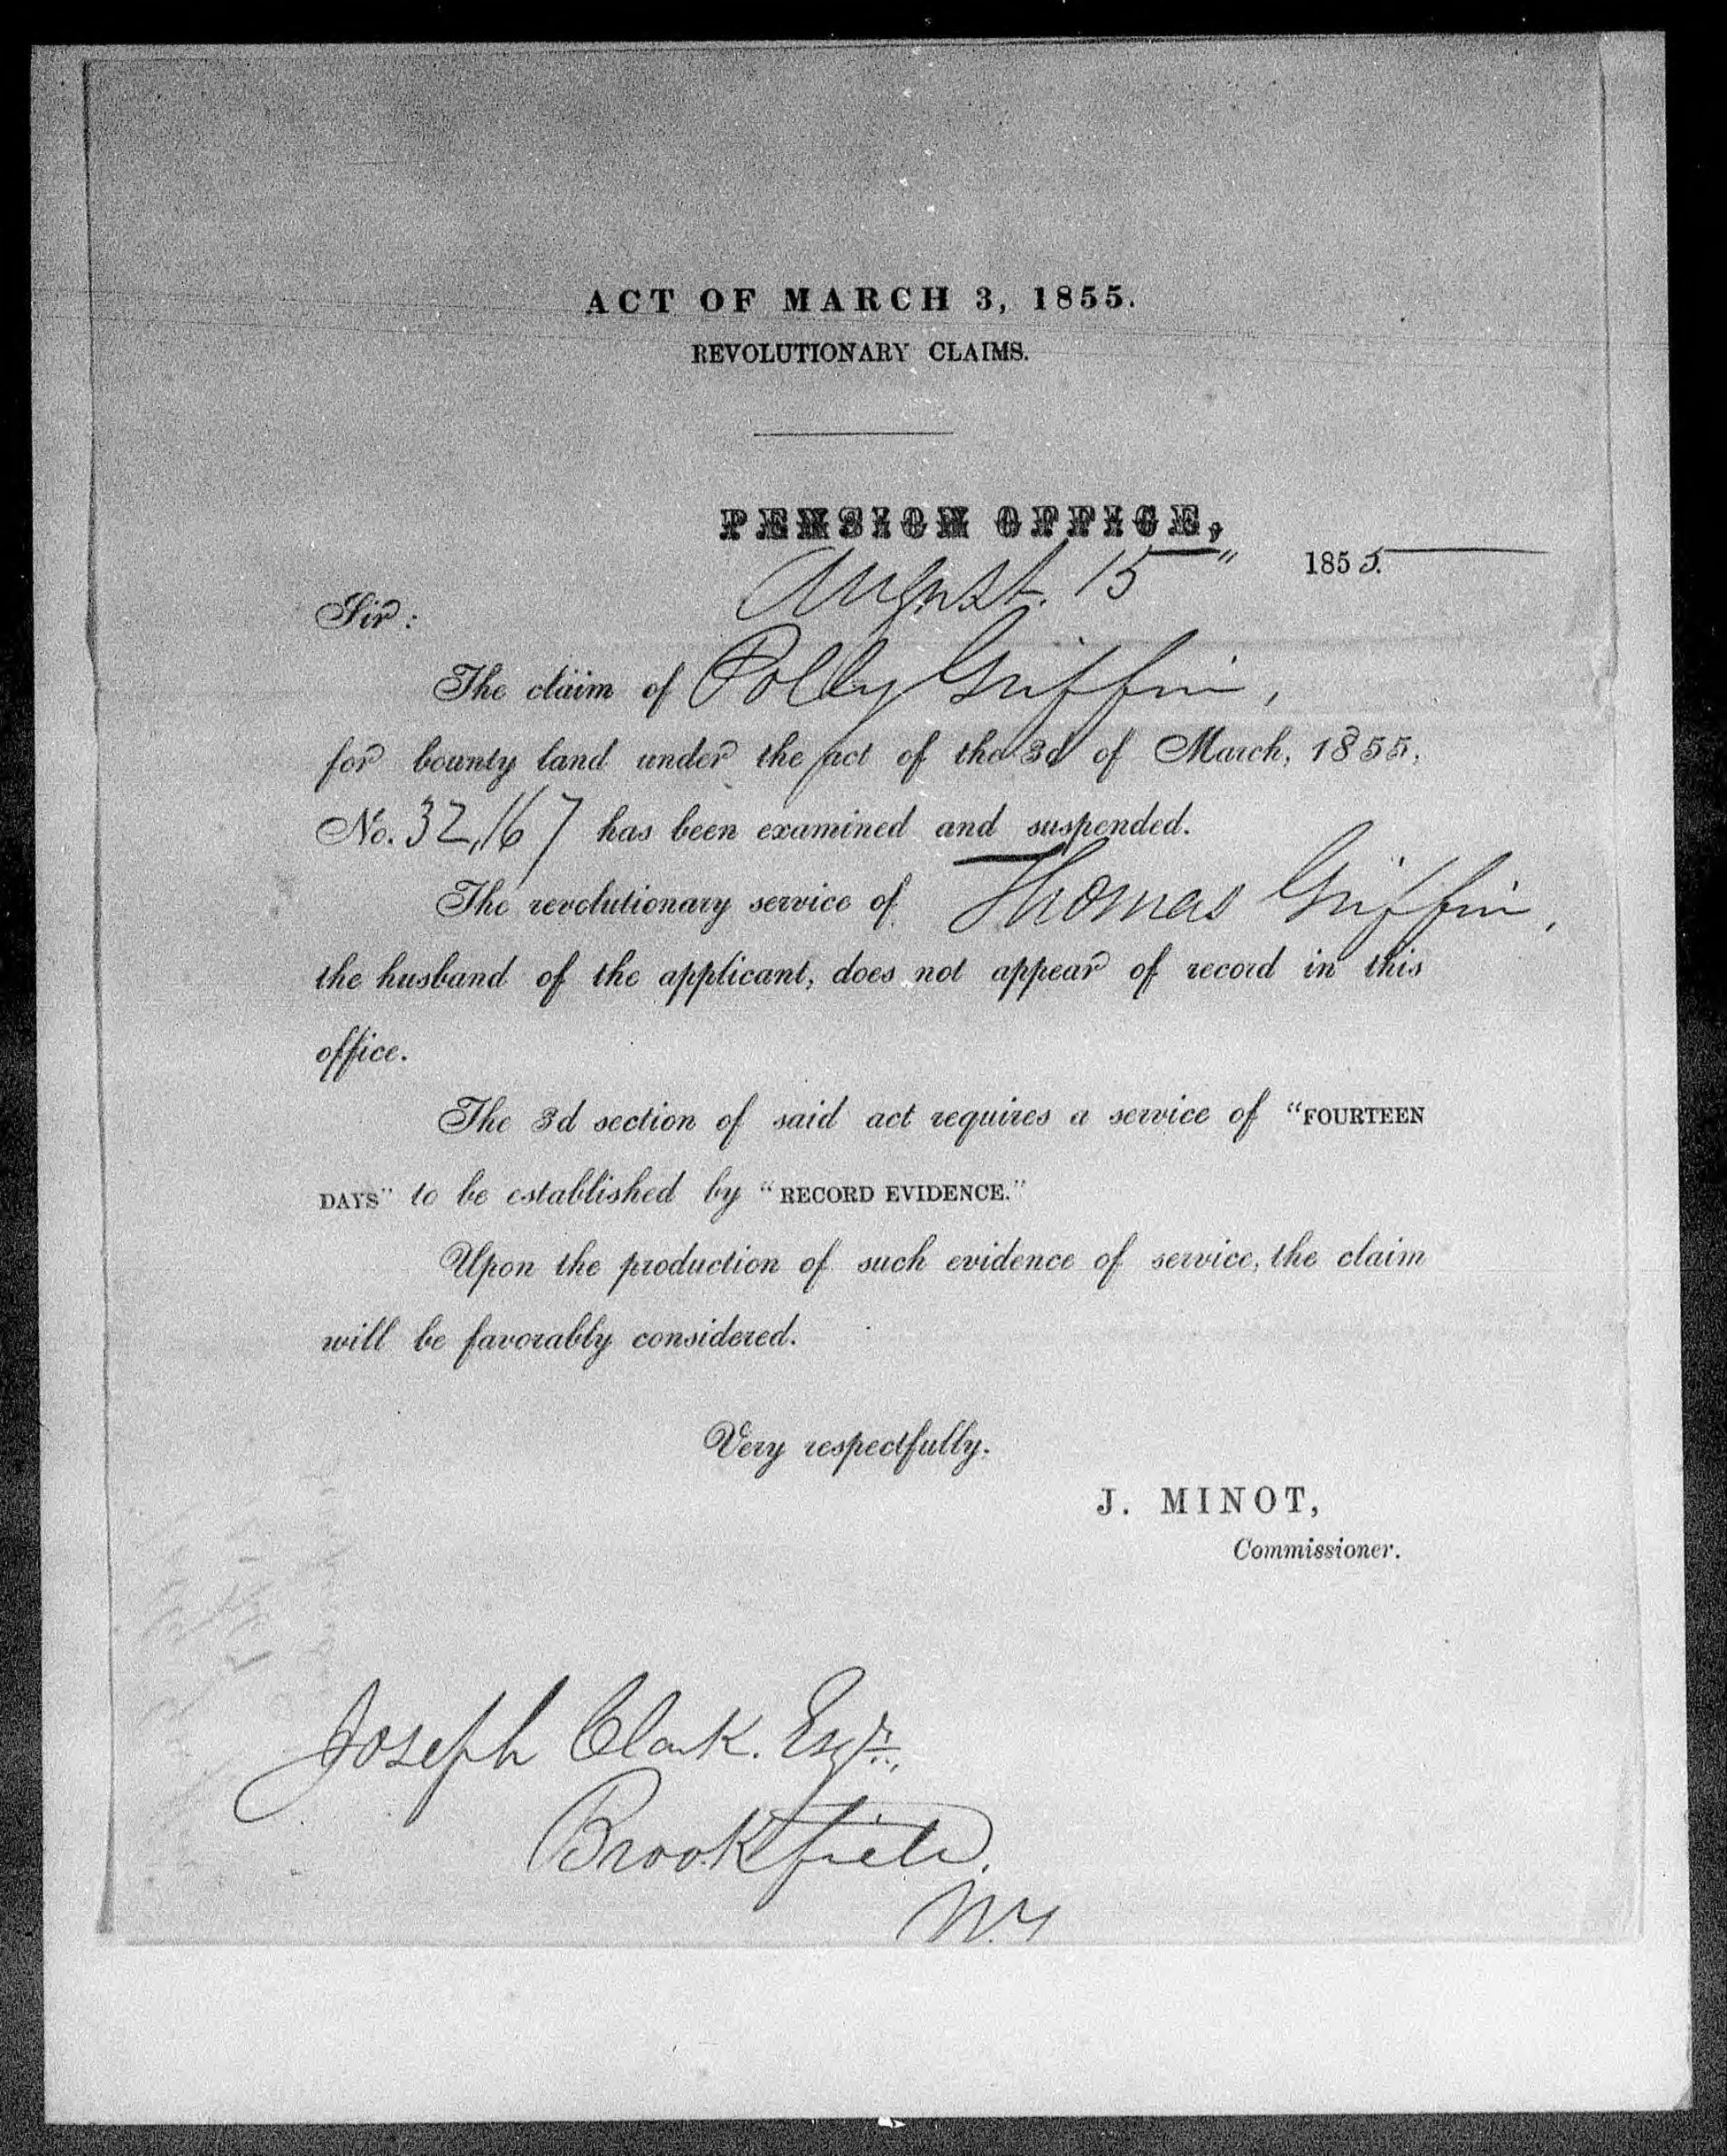ACT OF MARCH 3, 1855.
REVOLUTIONARY CLAIMS.
PENSION OFFICE, August 15" 1855.
Sir: The claim of Polly Griffin, for bounty land under the act of the 3d of March, 1855, No. 32,167 has been examined and suspended.
The revolutionary service of Thomas Griffin, the husband of the applicant, does not appear of record in this office.
The 3d section of said act requires a service of "FOURTEEN DAYS" to be established by "RECORD EVIDENCE.”
Upon the production of such evidence of service, the claim will be favorably considered.
Very respectfully, J. MINOT, Commissioner.
Joseph Clark, Esqr Brookfield NY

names: Polly Griffin, J Minot, Joseph Clark, Thomas Griffin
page: 38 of 60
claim: widow's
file: W. 19,537, Thomas Griffin, Conn.